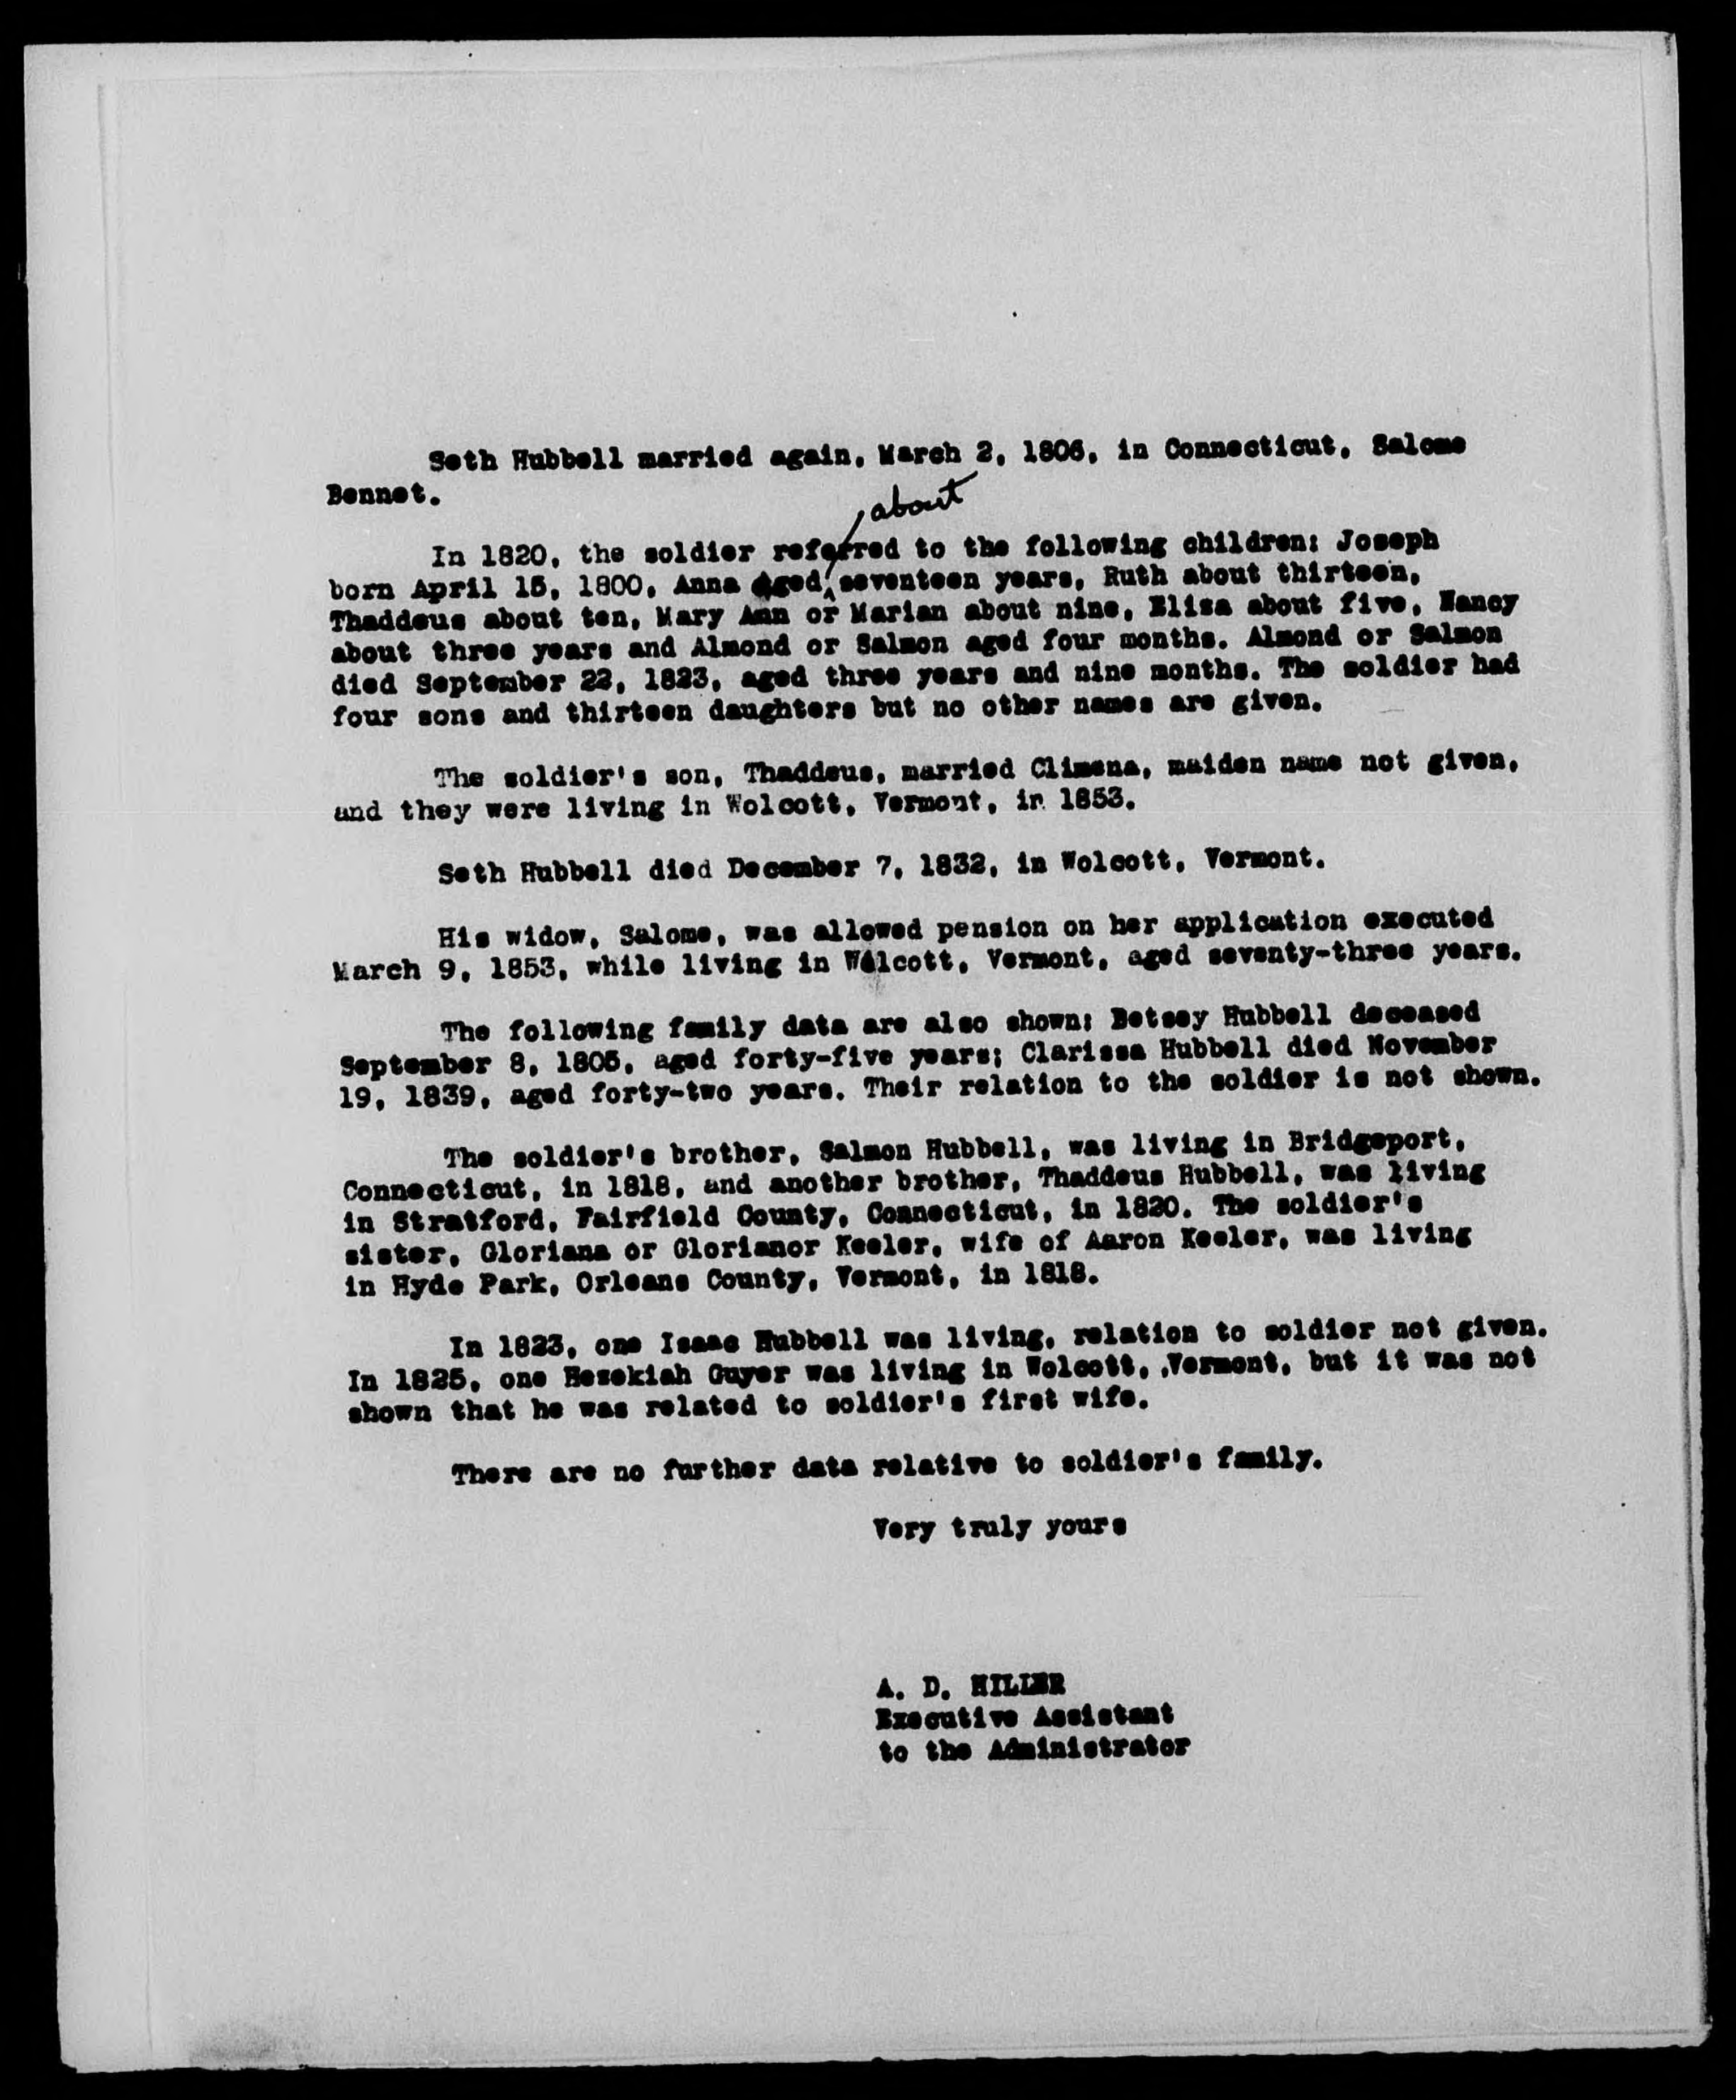Seth Hubbell married again, March 2, 1806, in Connecticut, Salome Bennet. 

In 1820, the soldier referred to the following children: Joseph born April 15, 1800, Anna aged ^about [about added in handwriting] seventeen years, Ruth about thirteen, Thaddeus about ten, Mary Ann or Marian about nine, Elisa about five, Nancy about three years and Almond or Salmon aged four months. Almond or Salmon died September 22, 1823, aged three years and nine months. The soldier had four sons and thirteen daughters but no other names are given.

The soldier's son, Thaddeus, married Climena, maiden name not given, and they were living in Wolcott, Vermont, in 1853.

Seth Hubbell died December 7, 1832, in Wolcott, Vermont.

His widow, Salome, was allowed pension on her application executed March 9, 1853, while living in Wolcott, Vermont, aged seventy-three years.

The following family data are also shown: Betsey Hubbell deceased September 8, 1805, aged forty-five years; Clarissa Hubbell died November 19, 1839, aged forty-two years. Their relation to the soldier is not shown.

The soldier's brother, Salmon Hubbell, was living in Bridgeport, Connecticut, in 1818, and another brother, Thaddeus Hubbell, was living in Stratford, Fairfield County, Connecticut, in 1820. The soldier's sister Gloriana or Glorianor Keeler, wife of Aaron Keeler, was living in Hyde Park, Orleans County, Vermont, in 1818.

In 1823, one Isaac Hubbell was living, relation to soldier not given. In 1825, one Hezekiah Guyer was living in Wolcott, ,Vermont, but it was not shown that he was related to soldier's first wife.

There are no further data relative to soldier's family.

Very truly yours

A.D. Hilier
Executive Assistant 
to the Administrator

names: A D Hiller, Climena, Clarissa Hubbell, Hezekiah Guyer, Eliza, Almond, Glorianor Keeler, Mary Ann, Marian, Anna, Thaddeus Hubbell, Salome Bennet, Betsey Hubbell, Joseph, Ruth, Aaron Keeler, Nancy, Isaac Hubbell, Salmon Hubbell, Gloriana Keeler, Seth Hubbell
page: 33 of 114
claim: widow's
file: W. 2115, Seth Hubbell, Conn.